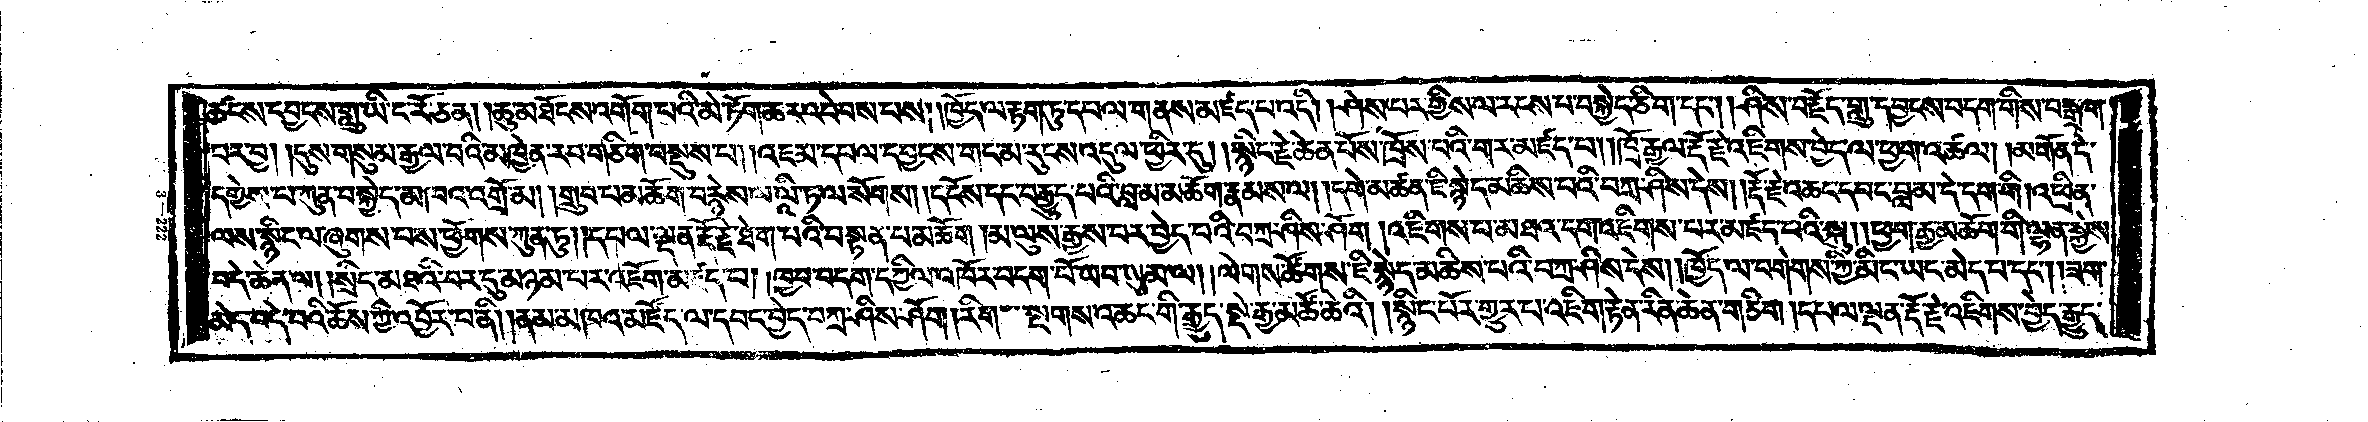ཚངས་དབྱངས་གླུ་ཡི་ང་རོ་ཅན། །ཆུ་མཐོང་འགོག་པའི་མེ་ཏོག་ཆར་འབེབས་པས། །ཁྱོད་ལ་རྟག་ཏུ་དཔལ་གནས་མཛད་པ་འདི། །ཤེས་པར་གྱིས་ལ་རངས་པ་བསྐྱེད་ཅིག་དང་། །ཤིས་བརྗོད་གླུ་དབྱངས་བདག་གིས་བསྒྲག་
པར་བྱ། །དུས་གསུམ་རྒྱལ་བའི་མཁྱེན་རབ་གཅིག་བསྡུས་པ། །འཇམ་དཔལ་དབྱངས་གང་མ་རུངས་འདུལ་ཕྱིར་དུ། །སྙིང་རྗེ་ཆེན་པོས་ཁྲོས་པའི་གར་མཛད་པ། །ཁྲོ་རྒྱལ་རྡོ་རྗེ་འཇིགས་བྱེད་ལ་ཕྱག་འཚལ། །མགོན་དེ་
དགྱེས་པ་ཀུན་བསྐྱེད་མཁའ་འགྲོ་མ། །གྲུབ་པ་མཆོག་བརྙེས་ལ་ལཱི་ཏ་ལ་སོགས། །དངོས་དང་བརྒྱུད་པའི་བླ་མ་མཆོག་རྣམས་ལ། །དགེ་མཚན་ཇི་སྙེད་མཆིས་པའི་བཀྲ་ཤིས་དེས། །རྡོ་རྗེ་འཆང་དབང་བླ་མ་དེ་དག་གི །འཕྲིན་
ལས་སྙིང་ལ་ཞུགས་པས་ཕྱོགས་ཀུན་ཏུ། །དཔལ་ལྡན་རྡོ་རྗེ་ཐེག་པའི་བསྟན་པ་མཆོག །མ་ལུས་རྒྱས་པར་བྱེད་པའི་བཀྲ་ཤིས་ཤོག །འཇིགས་པ་མཐའ་དག་འཇིགས་པར་མཛད་པའི་སྐུ། །ཕྱག་རྒྱ་མཆོག་གི་ལྷན་སྐྱེས་
བདེ་ཆེན་ལ། །སྲིད་མཐའི་བར་དུ་མཉམ་པར་འཇོག་མཛད་པ། །ཁྱབ་བདག་དཀྱིལ་འཁོར་བདག་པོ་ཡབ་ཡུམ་ལ། །ལེགས་ཚོགས་ཇི་སྙེད་མཆིས་པའི་བཀྲ་ཤིས་དེས། །ཁྱོད་ལ་བགེགས་ཀྱི་མིང་ཡང་མེད་པ་དང་། །ཟག་
མེད་བདེ་པའི་ཆོས་ཀྱི་འབྱོར་བ་ནི། །ནམ་མཁའ་མཛོད་ལ་དབང་བྱེད་བཀྲ་ཤིས་ཤོག །རིག་སྔགས་འཆང་གི་རྒྱུད་སྡེ་རྒྱ་མཚོ་ཆེའི། །སྙིང་པོར་གྱུར་པ་འཇིག་རྟེན་རིན་ཆེན་གཅིག །དཔལ་ལྡན་རྡོ་རྗེ་འཇིགས་བྱེད་རྒྱུད་